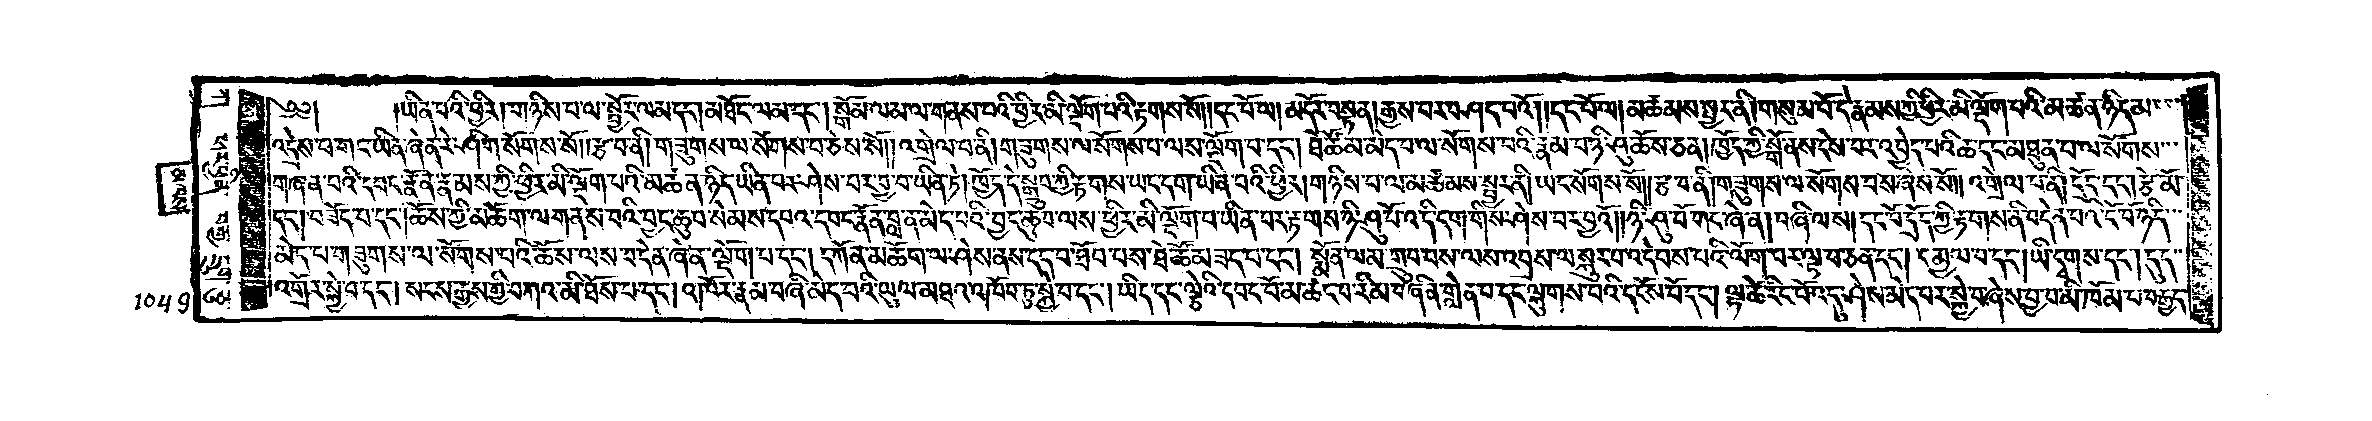༄༅། །ཡིན་པའི་ཕྱིར། གཉིས་པ་ལ་སྦྱོར་ལམ་དང་། མཐོང་ལམ་དང་། སྒོམ་ལམ་ལ་གནས་པའི་ཕྱིར་མི་ལྡོག་པའི་རྟགས་སོ། །དང་པོ་ལ། མདོར་བསྟན། རྒྱས་པར་བཤད་པའོ། །དང་པོ་ལ། མཚམས་སྦྱར་ནི། གསུམ་པོ་དེ་རྣམས་ཀྱི་ཕྱིར་མི་ལྡོག་པའི་མཚན་ཉིད་མ་
འདྲེས་པ་གང་ཡིན་ཞེ་ན་རེ་ཤིག་སོགས་སོ། །རྩ་བ་ནི། གཟུགས་ལ་སོགས་པ་ཅེས་སོ། །འགྲེལ་པ་ནི། གཟུགས་ལ་སོགས་པ་ལས་ལྡོག་པ་དང་། ཐེ་ཚོམ་མེད་པ་ལ་སོགས་པའི་རྣམ་པ་ཉི་ཤུ་ཆོས་ཅན། ཁྱོད་ཀྱི་སྒོ་ནས་ངེས་པར་འབྱེད་པའི་ཆ་དང་མཐུན་པ་ལ་སོགས་
གཞན་པའི་དབང་རྣོན་རྣམས་ཀྱི་ཕྱིར་མི་ལྡོག་པའི་མཚན་ཉིད་ཡིན་པར་ཤེས་པར་བྱ་བ་ཡིན་ཏེ། ཁྱོད་དེ་སྒྲུབ་ཀྱི་རྟགས་ཡང་དག་ཡིན་པའི་ཕྱིར། གཉིས་པ་ལ་མཚམས་སྦྱར་ནི། ཡང་སོགས་སོ། །རྩ་བ་ནི། གཟུགས་ལ་སོགས་པས་ཞེས་སོ། །འགྲེལ་པ་ནི། དོད་དང་། རྩེ་མོ་
དང་། བཟོད་པ་དང་། ཆོས་ཀྱི་མཆོག་ལ་གནས་པའི་བྱང་ཆུབ་སེམས་དཔའ་དབང་རྣོན་བླ་ན་མེད་པའི་བྱང་ཆུབ་ལས་ཕྱིར་མི་ལྡོག་པ་ཡིན་པར་རྟགས་ཉི་ཤུ་པོ་འདི་དག་གིས་ཤེས་པར་བྱའོ། །ཉི་ཤུ་པོ་གང་ཞེ་ན། བཞི་ལས། དང་པོ་དྲོད་ཀྱི་རྟགས་ནི་བདེན་པའི་ངོ་བོ་ཉིད་
མེད་པ་གཟུགས་ལ་སོགས་པའི་ཆོས་ལས་བདེན་ཞེན་ལྡོག་པ་དང་། དཀོན་མཆོག་ལ་ཤེས་ནས་དད་པ་ཐོབ་པས་ཐེ་ཚོམ་ཟད་པ་དང་། སྨོན་ལམ་གྲུབ་བས་ལས་འབྲས་ལ་སྐུར་བ་འདེབས་པའི་ལོག་པར་ལྟ་བ་ཅན་དང་། དམྱལ་བ་དང་། ཡི་དྭགས་དང་། དུད་
འགྲོར་སྐྱེ་བ་དང་། སངས་རྒྱས་ཀྱི་བཀའ་མི་ཐོས་པ་དང་། འཁོར་རྣམ་བཞི་མེད་པའི་ཡུལ་མཐའ་འཁོབ་ཏུ་སྐྱེ་བ་དང་། ཡིད་དང་ལྕེའི་དབང་པོ་མ་ཚང་བ་རིམ་བཞིན་གླེན་པ་དང་ལྐུགས་པའི་དངོས་པོ་དང་། ལྷ་ཚེ་རིང་པོ་འདུ་ཤེས་མེད་པར་སྐྱེ་བ་ཞེས་བྱ་བ་མི་ཁོམ་པ་བརྒྱད་